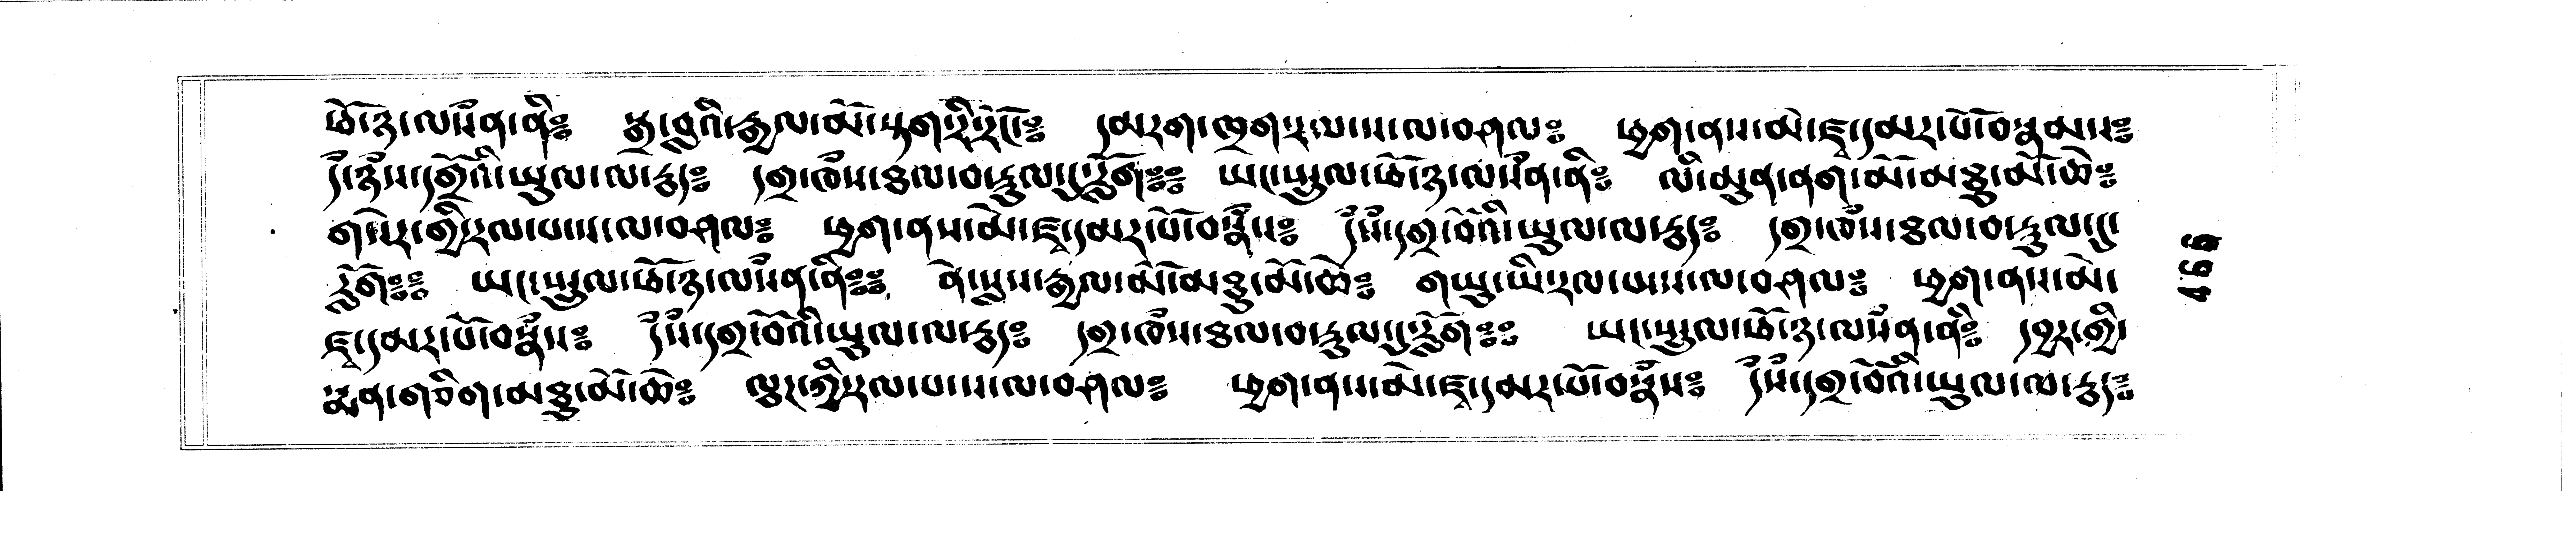ཕོ་ཉ་ལས་མཁན་ནི༔སྒྲ་བླའི་རྒྱལ་མོ་སྟག་རི་རོང་༔དམར་ནག་ཁྲག་རལ་ས་ལ་བཤལ༔ཕྱག་ནས་མེ་ཛྭ་དམར་པོ་བསྣམས༔
དམ་ཉམས་དགྲ་བོའི་ཡུལ་ལ་རྦད༔དགྲ་ཁམས་ཐལ་བ་རྡུལ་དུ་རློག༔ཡང་སྤྲུལ་ཕོ་ཉ་ལས་མཁན་ནི༔ལི་མུན་ནག་མོ་མཐུ་མོ་ཆེ༔
གསེར་གྱི་རལ་པ་ས་ལ་བཤལ༔ཕྱག་ནས་མེ་ཛྭ་དམར་པོ་བསྣམས༔དམ་ཉམས་དགྲ་བོའི་ཡུལ་ལ་རྦད༔དགྲ་ཁམས་ཐལ་བ་རྡུལ་དུ་
རློག༔ཡང་སྤྲུལ་ཕོ་ཉ་ལས་མཁན་ནི༔གཡུ་ཡི་རལ་པ་ས་ལ་བཤལ༔ཕྱག་ནས་མེ་
ཛྭ་དམར་པོ་བསྣམས༔དམ་ཉམས་དགྲ་བོའི་ཡུལ་ལ་རྦད༔དགྲ་ཁམས་ཐལ་བ་རྡུལ་དུ་རློག༔ཡང་སྤྲུལ་ཕོ་ཉ་ལས་མཁན་ནི༔དབྱར་གྱི་
སྨན་གཅིག་མཐུ་མོ་ཆེ༔ལྕགས་ཀྱི་རལ་པ་ས་ལ་བཤལ༔ཕྱག་ནས་མེ་ཛྭ་དམར་པོ་བསྣམས༔དམ་ཉམས་དགྲ་བོའི་ཡུལ་ལ་རྦད༔